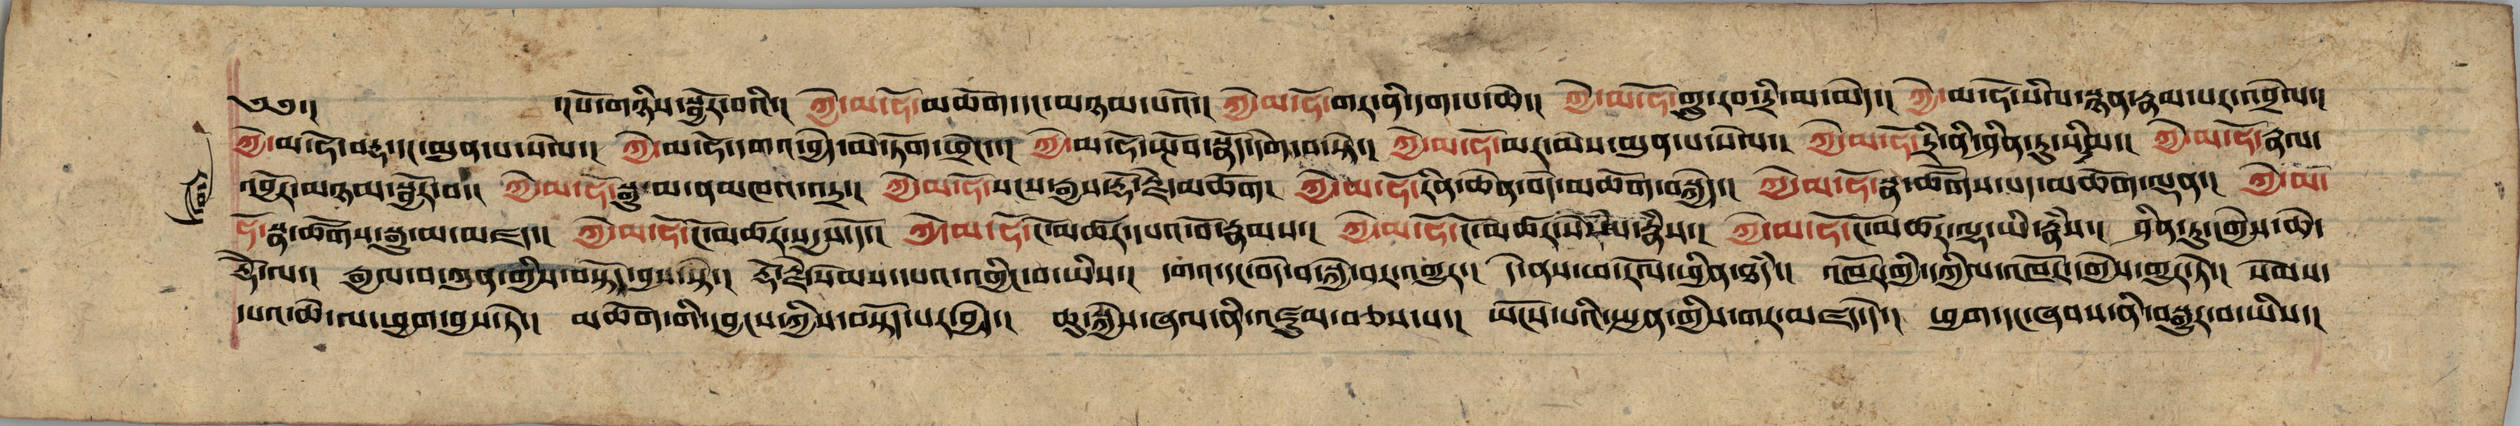༄༅་། ་།པོ་གཉིས་སྦྱོར་བའི་། ཀྱེ་མ་ཧོ་མཆོག་དང་མཉམ་པའོ་། ཀྱེ་མ་ཧོ་གར་ནི་དག་པ་ཆེ་། ཀྱེ་མ་ཧོ་གླུ་རབ་དྲི་མ་མེད་། ཀྱེ་མ་ཧོ་སིལ་སྙན་རྣམ་པར་འབྲེལ་།
ཀྱེ་མ་ཧོ་བརྡ་དང་མུན་པ་སེལ་། ཀྱེ་མ་ཧོ་དགའ་བྱེད་མེ་ཏོག་ཕྲེང་་། ཀྱེ་མ་ཧོ་སྤོབ་སྣོད་དགེ་བ་སྟེ་། ཀྱེ་མ་ཧོ་མར་མེས་མུན་པ་སེལ་། ཀྱེ་མ་ཧོ་དྲི་ནི་ཤིན་ཏུ་སིམ་། ཀྱེ་མ་ཧོ་རྣལ་
འབྱོར་མཉམ་སྦྱོར་བ་། ཀྱེ་མ་ཧོ་སྒྱུ་མ་ནམཁའ་འདྲ་། ཀྱེ་མ་ཧོ་སངས་རྒྱས་རྡོ་རྗེ་མཆོག། ཀྱེ་མ་ཧོ་རིན་ཆེན་བདེ་མཆོག་བསྐྱེད་། ཀྱེ་མ་ཧོ་སྣ་ཚོགས་པད་མཆོག་ལྡན་། ཀྱེ་མ་
ཧོ་སྣ་ཚོགས་སྒྱུ་མ་མཛད་། ཀྱེ་མ་ཧོ་ངོ་མཚར་སདྱས་དོ་། ཀྱེ་མ་ཧོ་ངེ་མཚར་དཔའ་བོ་རྣམས་། ཀྱེ་མ་ཧོ་ངོ་མཚར་སེསཾཔ་རྣཾས་། ཀྱེ་མ་ཧོ་ངོ་མཚར་ལྷ་ཡི་རྣཾས་། ཤིན་ཏུ་དགྱེས་ཆེ་
རྡོེ་ལ་། རྒྱལ་བ་ཀུན་གྱིས་བསྟོད་བྱས་སྟེ་། རྡོ་རྗེ་སེམས་དཔའ་འགྱིང་བ་ཡིས་། དགའ་དང་བདེ་བ་སྐྱེ་བར་འགྱུར་། དེ་ནས་ཕ་རོལ་ཕྱིན་ཐཾད་། འཁོར་གྱི་དཀྱིལ་འཁོར་དགྱེས་གྱུར་ཏེ་། སེམས་
དཔའ་ཆེ་ལ་ཕྱག་བྱས་ཏེ་། མཆོག་གི་དབྱངས་ཀྱིས་བསྟོད་པར་བྱེད་། ཆུ་སྐྱེས་ཞལ་ནི་འཛུམ་བཅས་པ་། ཡོངས་པའིི་སྤྱན་གྱིས་གར་མཛད་དེ་། ཕྱག་དང་ཞབས་ནི་བསྒྱུར་བ་ཡིས་།